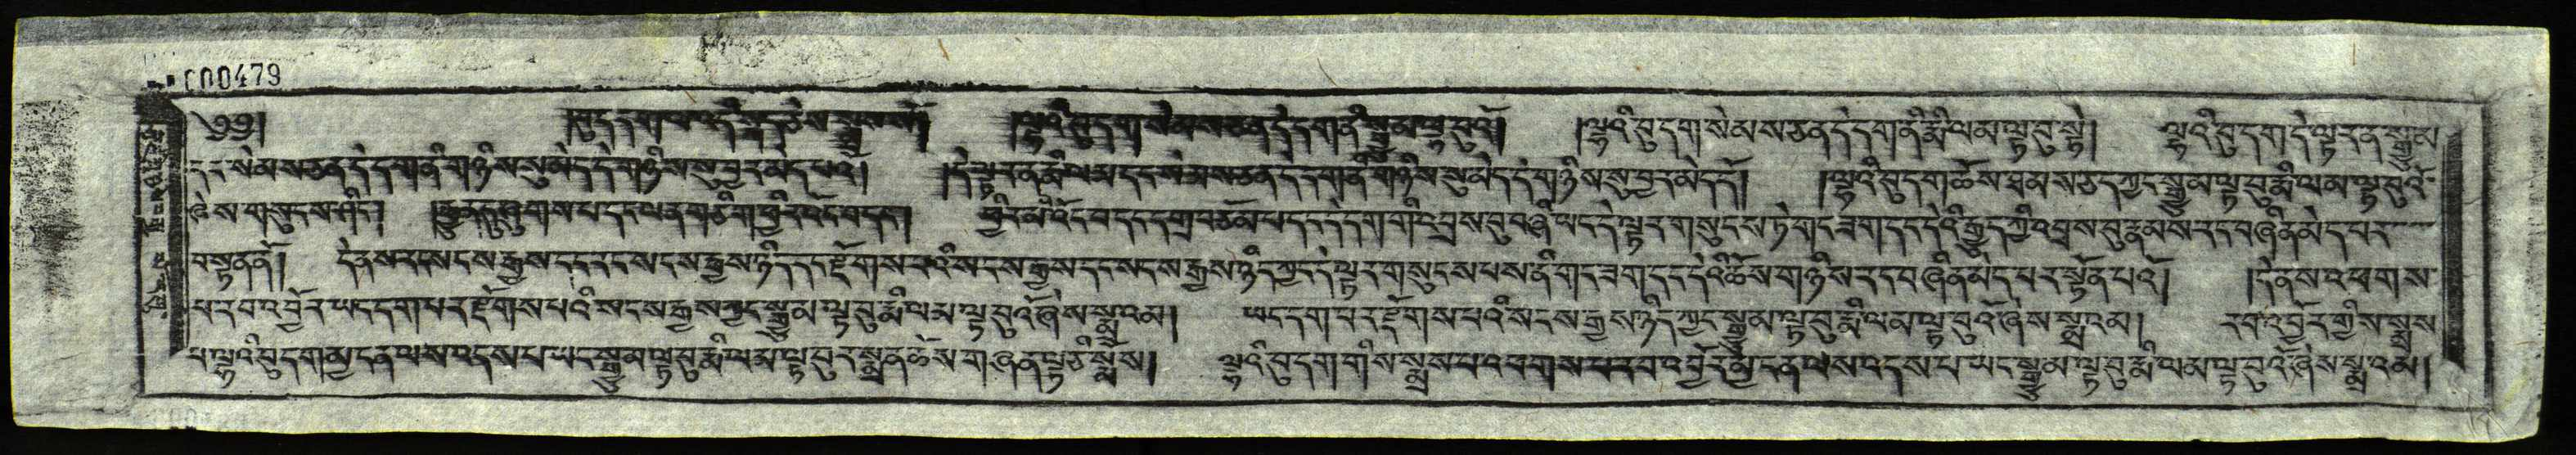༄༅། །བུད་དག་ལ་འདི་སྐད་ཅེས་སྨྲས་སོ། །ལྷའི་བུ་དག་སེམས་ཅན་དེ་དག་ནི་སྒྱུ་མ་ལྟ་བུའོ། །ལྷའི་བུ་དག་སེམས་ཅན་དེ་དག་ནི་རྨི་ལམ་ལྟ་བུ་སྟེ། ལྷའི་བུ་དག་དེ་ལྟར་ན་སྒྱུ་མ་
དང་སེམས་ཅན་དེ་དག་ནི་གཉིས་སུ་མེད་དེ་གཉིས་སུ་བྱར་མེད་པའོ། །དེ་ལྟར་ན་རྨི་ལམ་དང་སེམས་ཅན་དེ་དག་ནི་གཉིས་སུ་མེད་དེ་གཉིས་སུ་བྱར་མེད་དོ། །ལྷའི་བུ་དག་ཆོས་ཐམས་ཅད་ཀྱང་སྒྱུ་མ་ལྟ་བུ་རྨི་ལམ་ལྟ་བུའོ་
ཞེས་གསུངས་ཤིང་། །རྒྱུན་དུ་ཞུགས་པ་དང་ལན་གཅིག་ཕྱིར་འོང་བ་དང་། ཕྱིར་མི་འོང་བ་དང་དགྲ་བཅོམ་པ་དང་དེ་དག་གི་འབྲས་བུ་བཞི་ཡང་དེ་ལྟར་གསུངས་ཏེ་གང་ཟག་དང་དེའི་རྒྱུད་ཀྱི་འབྲས་བུ་རྣམས་རང་བཞིན་མེད་པར་
བསྟན་ནོ། དེ་ནས་རང་སངས་རྒྱས་དང་རང་སངས་རྒྱས་ཉིད་དང་རྫོགས་པའི་སངས་རྒྱས་དང་སངས་རྒྱས་ཉིད་ཀྱང་དེ་ལྟར་གསུངས་པས་ནི་གང་ཟག་དང་དེའི་ཆོས་གཉིས་རང་བཞིན་མེད་པར་སྟོན་པའོ། །དེ་ནས་འཕགས་
པ་རབ་འབྱོར་ཡང་དག་པར་རྫོགས་པའི་སངས་རྒྱས་ཀྱང་སྒྱུ་མ་ལྟ་བུ་རྨི་ལམ་ལྟ་བུའོ་ཞེས་སྨྲའམ། ཡང་དག་པར་རྫོགས་པའི་སངས་རྒྱས་ཉིད་ཀྱང་སྒྱུ་མ་ལྟ་བུ་རྨི་ལམ་ལྟ་བུའོ་ཞེས་སྨྲའམ། རབ་འབྱོར་གྱིས་སྨྲས་
པ་ལྷའི་བུ་དག་མྱ་ངན་ལས་འདས་པ་ཡང་སྒྱུ་མ་ལྟ་བུ་རྨི་ལམ་ལྟ་བུར་སྨྲན་ཆོས་གཞན་ལྟ་ཅི་སྨོས། ལྷའི་བུ་དག་གིས་སྨྲས་པ་འཕགས་པ་རབ་འབྱོར་མྱ་ངན་ལས་འདས་པ་ཡང་སྒྱུ་མ་ལྟ་བུ་རྨི་ལམ་ལྟ་བུའོ་ཞེས་སྨྲ་འམ།